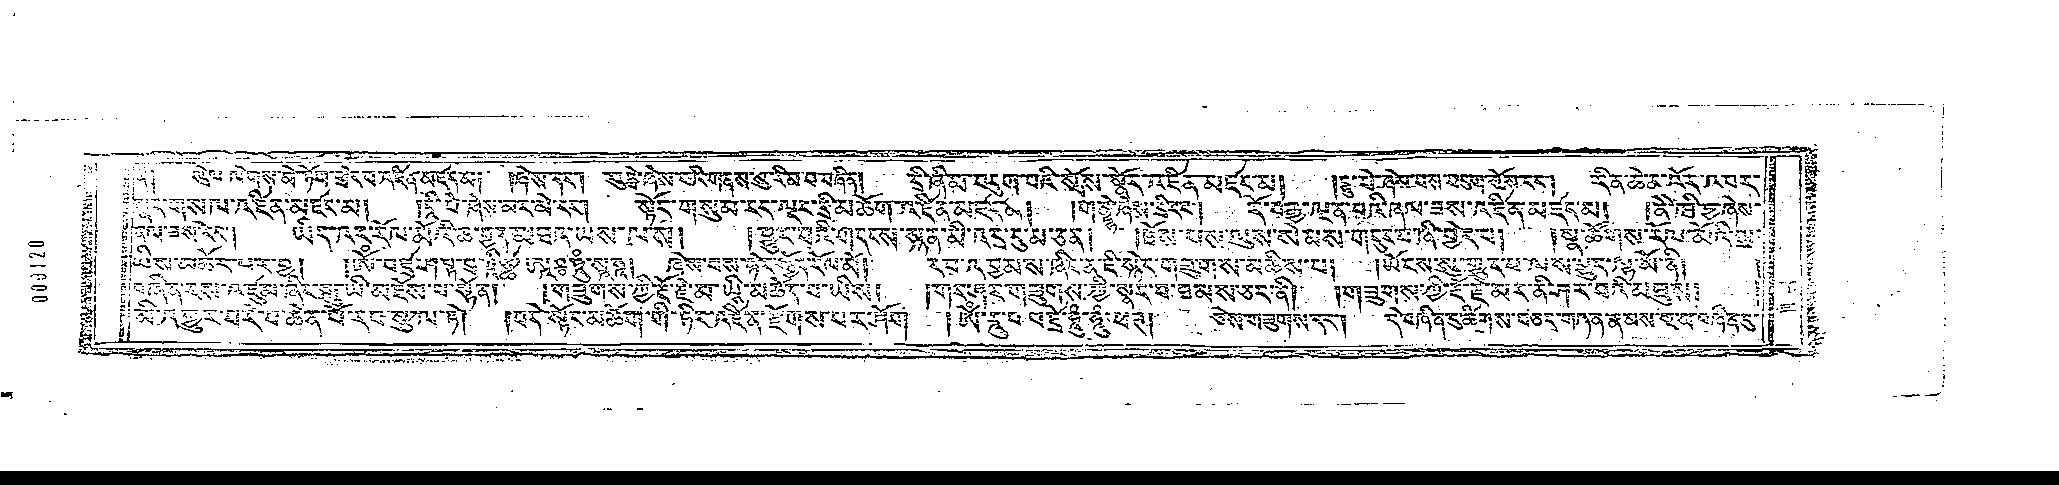ནི། སྤེལ་ལེགས་མི་ཏོག་ཕྲེང་བ་འཛིན་མཛད་མ། །ཞེས་དང་། །པུཥྤེ་ཞེས་པའི་གནས་སུ་རིམ་བ་བཞིན། དྲི་ཞིམ་བདུག་པའི་སྦོས་སྣོད་འཛིན་མཛད་མ། །དྷུ་པེ་ཞེས་པས་བདུག་སྤོས་དང་། རིན་ཆེན་འོད་འབར་
སྣང་གསལ་འཛིན་མཛད་མ། དཱི་བེ་ཞེས་མར་མེ་དང་། སྟོང་གསུམ་དང་ལྡང་དྲི་མཆོག་འཛིན་མཛད་མ། །གནྡྷེ་ཞེས་དྲི་དང་། རོ་བརྒྱ་ལྡན་པའི་ཞལ་ཟས་འཛིན་མཛད་མ། །ནཻ་བིཏྱ་ཞེས་
ཞལ་ཟས་དང་། ཡིད་འོང་རོལ་མོའི་ཆ་བྱད་མཐའ་ཡས་ལས། །བྱུང་བའི་གདངས་སྙན་མི་འདྲ་དུ་མ་ཅན། །ཐོས་པས་ལུས་སེམས་གདུང་བ་ཞི་བྱེད་པ། །སྣ་ཚོགས་རོལ་མོའི་སྒྲ་
ཡིས་མཆོད་པར་བྱ། །ཨོཾ་བཛྲ་ཤབྷ་པྲ་ཏཱི་ཙྪ་ཨཱཿ་ཧཱུཾ་སྭཱཧཱ། ཞེས་བས་ཉེར་སྤྱོད་རོལ་མོ། རབ་འབྱམས་ཞིང་ན་ཇི་སྙེད་གཟུགས་མཆིས་པ། །ཡོངས་སུ་གྱུར་པ་ལས་བྱུང་ལྷ་མོ་ནི། །
བཞིན་རས་འཛུམ་ཞིང་སྐུ་ཡི་མཛེས་བསྟོན། །གཟུགས་ཀྱི་རྡོ་རྗེ་མ་ཡིས་མཆོད་པ་ཡིས། །གང་ཤར་གཟུགས་ཀྱི་སྣང་བ་ཐམས་ཅད་ནི། །གཟུགས་ཀྱི་རྡོ་རྗེ་མར་ནི་ཤར་བའི་མཐུས། །
མི་འགྱུར་བ་དེ་བ་ཆེན་པོ་རབ་སྩལ་ཏེ། །བདེ་སྟོང་མཆོག་གི་ཏིང་འཛིན་རྫོགས་པར་ཤོག །ཨོཾ་རླུ་པ་བཛྲི་ཧཱུཾ་ཧཱུཾ་ཕཊ། ཅེས་གཟུགས་དང་། དེ་བཞིན་དུ་ཚིགས་བཅད་གཞན་རྣམས་སྔ་མ་བཞིན་དུ་